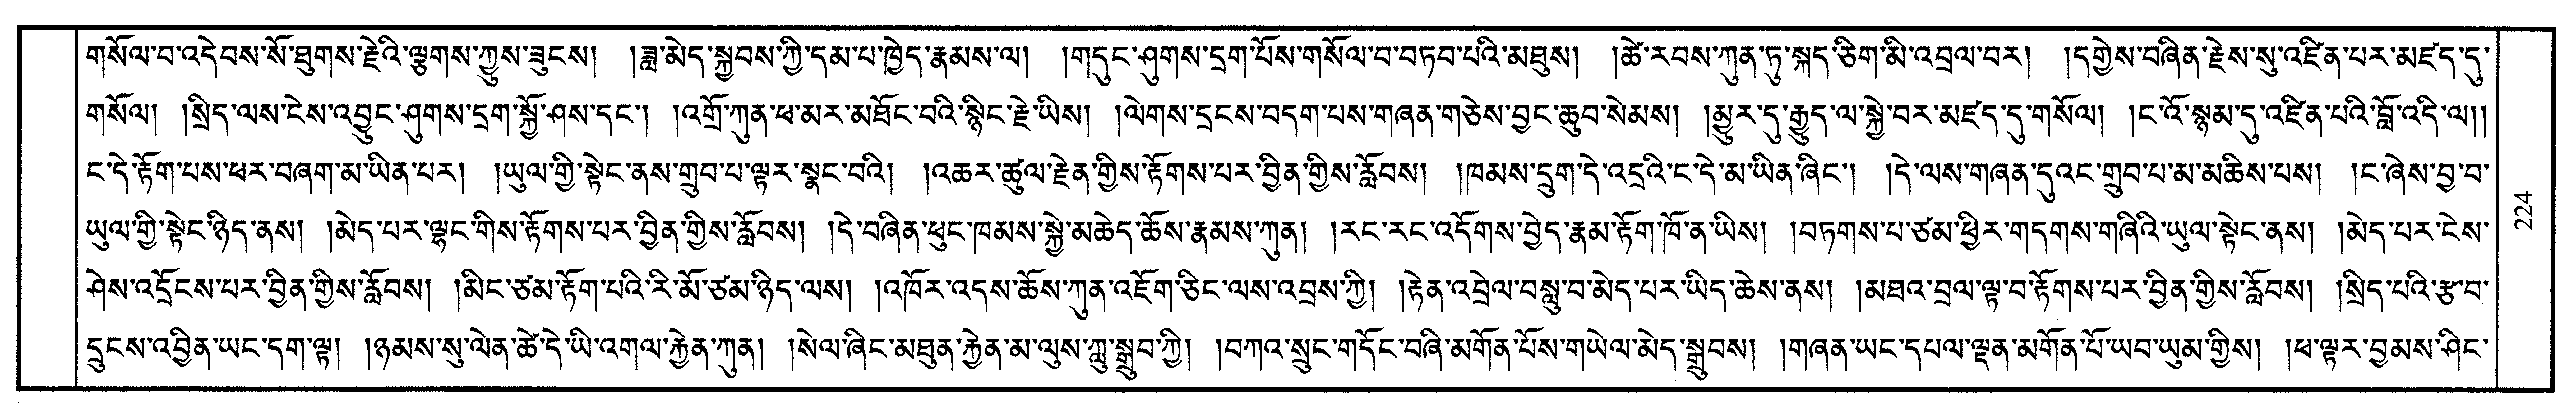གསོལ་བ་འདེབས་སོ་ཐུགས་རྗེའི་ལྕགས་ཀྱུས་ཟུངས། །ཟླ་མེད་སྐྱབས་ཀྱི་དམ་པ་ཁྱེད་རྣམས་ལ། །གདུང་ཤུགས་དྲག་པོས་གསོལ་བ་བཏབ་པའི་མཐུས། །ཚེ་རབས་ཀུན་ཏུ་སྐད་ཅིག་མི་འབྲལ་བར། །དགྱེས་བཞིན་རྗེས་སུ་འཛིན་པར་མཛད་དུ་
གསོལ། །སྲིད་ལས་ངེས་འབྱུང་ཤུགས་དྲག་སྐྱོ་ཤས་དང་། །འགྲོ་ཀུན་ཕ་མར་མཐོང་བའི་སྙིང་རྗེ་ཡིས། །ལེགས་དྲངས་བདག་པས་གཞན་གཅེས་བྱང་ཆུབ་སེམས། །མྱུར་དུ་རྒྱུད་ལ་སྐྱེ་བར་མཛད་དུ་གསོལ། །ང་འོ་སྙམ་དུ་འཛིན་པའི་བློ་འདི་ལ། །
ང་དེ་རྟོག་པས་ཕར་བཞག་མ་ཡིན་པར། །ཡུལ་གྱི་སྟེང་ནས་གྲུབ་པ་ལྟར་སྣང་བའི། །འཆར་ཚུལ་རྗེན་གྱིས་རྟོགས་པར་བྱིན་གྱིས་རློབས། །ཁམས་དྲུག་དེ་འདྲའི་ང་དེ་མ་ཡིན་ཞིང་། །དེ་ལས་གཞན་དུའང་གྲུབ་པ་མ་མཆིས་པས། །ང་ཞེས་བྱ་བ་
ཡུལ་གྱི་སྟེང་ཉིད་ནས། །མེད་པར་ལྷང་གིས་རྟོགས་པར་བྱིན་གྱིས་རློབས། །དེ་བཞིན་ཕུང་ཁམས་སྐྱེ་མཆེད་ཆོས་རྣམས་ཀུན། །རང་རང་འདོགས་བྱེད་རྣམ་རྟོག་ཁོ་ན་ཡིས། །བཏགས་པ་ཙམ་ཕྱིར་གདགས་གཞིའི་ཡུལ་སྟེང་ནས། །མེད་པར་ངེས་
ཤེས་འདྲོངས་པར་བྱིན་གྱིས་རློབས། །མིང་ཙམ་རྟོག་པའི་རི་མོ་ཙམ་ཉིད་ལས། །འཁོར་འདས་ཆོས་ཀུན་འཇོག་ཅིང་ལས་འབྲས་ཀྱི། །རྟེན་འབྲེལ་བསླུ་བ་མེད་པར་ཡིད་ཆེས་ནས། །མཐའ་བྲལ་ལྟ་བ་རྟོགས་པར་བྱིན་གྱིས་རློབས། །སྲིད་པའི་རྩ་བ་
དྲུངས་འབྱིན་ཡང་དག་ལྟ། །ཉམས་སུ་ལེན་ཚེ་དེ་ཡི་འགལ་རྐྱེན་ཀུན། །སེལ་ཞིང་མཐུན་རྐྱེན་མ་ལུས་ཀླུ་སྒྲུབ་ཀྱི། །བཀའ་སྲུང་གདོང་བཞི་མགོན་པོས་གཡེལ་མེད་སྒྲུབས། །གཞན་ཡང་དཔལ་ལྡན་མགོན་པོ་ཡབ་ཡུམ་གྱིས། །ཕ་ལྟར་བྱམས་ཤིང་